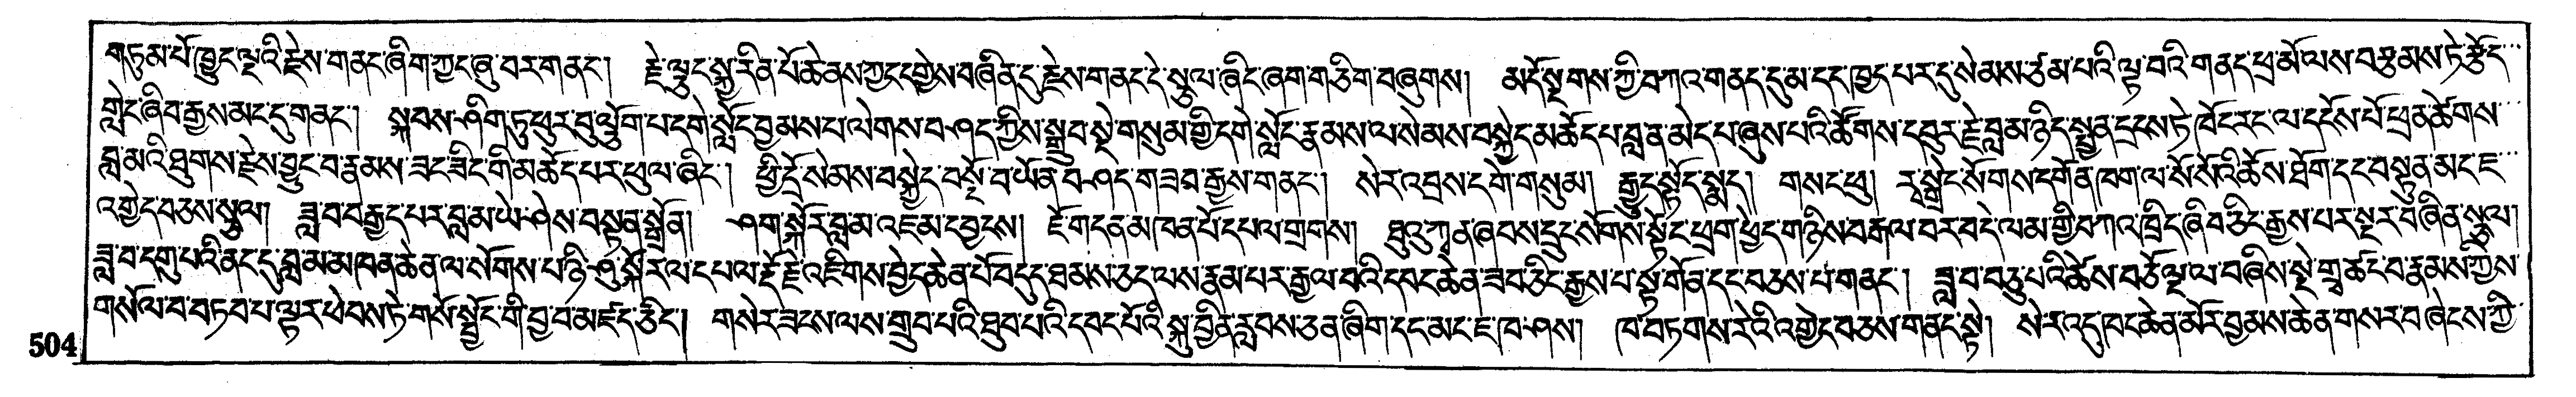གཏུམ་པོ་ཁྱུང་ལྔའི་རྗེས་གནང་ཞིག་ཀྱང་ཞུ་བར་གནང་། རྗེ་ལྕང་སྐྱ་རིན་པོ་ཆེ་ནས་ཀྱང་དགྱེས་བཞིན་དུ་རྗེས་གནང་དེ་སྩལ་ཞིང་ཞག་གཅིག་བཞུགས། མདོ་སྔགས་ཀྱི་བཀའ་གནད་དུ་མ་དང་ཁྱད་པར་དུ་སེམས་ཙམ་པའི་ལྟ་བའི་གནད་ཕྲ་མོ་ལས་བརྩམས་ཏེ་རྩོད་
གླེང་ཞིབ་རྒྱས་མང་དུ་གནང་། སྐབས་ཤིག་ཏུ་ཕུར་བུ་ལྕོག་པ་དགེ་སློང་བྱམས་པ་ལེགས་བཤད་ཀྱིས་སྒྲུབ་སྡེ་གསུམ་གྱི་དགེ་སློང་རྣམས་ལ་སེམས་བསྐྱེད་མཆོད་པ་བླ་ན་མེད་པ་ཞུས་པའི་ཚོགས་དབུར་རྗེ་བླ་མ་ཉིད་སྤྱན་དྲངས་ཏེ་ཁོང་རང་ལ་དངོས་པོ་ཕྲན་ཚེགས་
བླ་མའི་ཐུགས་རྗེས་བྱུང་བ་རྣམས་ཟང་ཟིང་གི་མཆོད་པར་ཕུལ་ཞིང་། ཕྱི་དྲོ་སེམས་བསྐྱེད་བསྔོ་བ་ཡོན་བཤད་གཟབ་རྒྱས་གནང་། སེར་འབྲས་དགེ་གསུམ། རྒྱུད་སྟོད་སྨད། གསང་ཕུ། རྭ་སྒྲེང་སོགས་དགོན་ཁག་ལ་སོ་སོའི་ཆོས་ཐོག་དང་བསྟུན་མང་ཇ་
འགྱེད་བཅས་སྩལ། ཟླ་བ་བརྒྱད་པར་བླ་མ་ཡེ་ཤེས་བསྟན་སྒྲོན། ཤག་སྐོར་བླ་མ་འཇམ་དབྱངས། ཇོ་གདན་མཁན་པོ་དཔལ་གྲགས། ཐུའུ་ཀྭན་ཞབས་དྲུང་སོགས་སྟོང་ཕྲག་ཕྱེད་གཉིས་བརྒལ་པར་བདེ་ལམ་གྱི་བཀའ་ཁྲིད་ཞི་བ་ཅིང་རྒྱས་པར་སྔར་བཞིན་སྩལ།
ཟླ་བ་དགུ་པའི་ནང་དུ་བླ་མ་མཁན་ཆེན་ལ་སོགས་པ་ཉི་ཤུ་སྐོར་ལ་དཔལ་རྡོ་རྗེ་འཇིགས་བྱེད་ཆེན་པོ་བདུད་ཐམས་ཅད་ལས་རྣམ་པར་རྒྱལ་བའི་དབང་ཆེན་ཟབ་ཅིང་རྒྱས་པ་སྟ་གོན་དང་བཅས་པ་གནང་། ཟླ་བ་བཅུ་པའི་ཚེས་བཅོ་ལྔ་ལ་བཞིས་སྡེ་གྲྭ་ཚང་པ་རྣམས་ཀྱིས་
གསོལ་བ་བཏབ་པ་ལྟར་ཕེབས་ཏེ་གསོ་སྦྱོང་གི་བྱ་བ་མཛད་ཅིང་། གསེར་ཟངས་ལས་གྲུབ་པའི་ཐུབ་པའི་དབང་པོའི་སྐུ་བྱིན་རླབས་ཅན་ཞིག་དང་མང་ཇ་ཁ་ཤས། ཁ་བཏགས་རེའི་འགྱེད་བཅས་གནང་སྟེ། སེར་འདུ་ཁང་ཆེན་མོར་བྱམས་ཆེན་གསར་བཞེངས་ཀྱི་